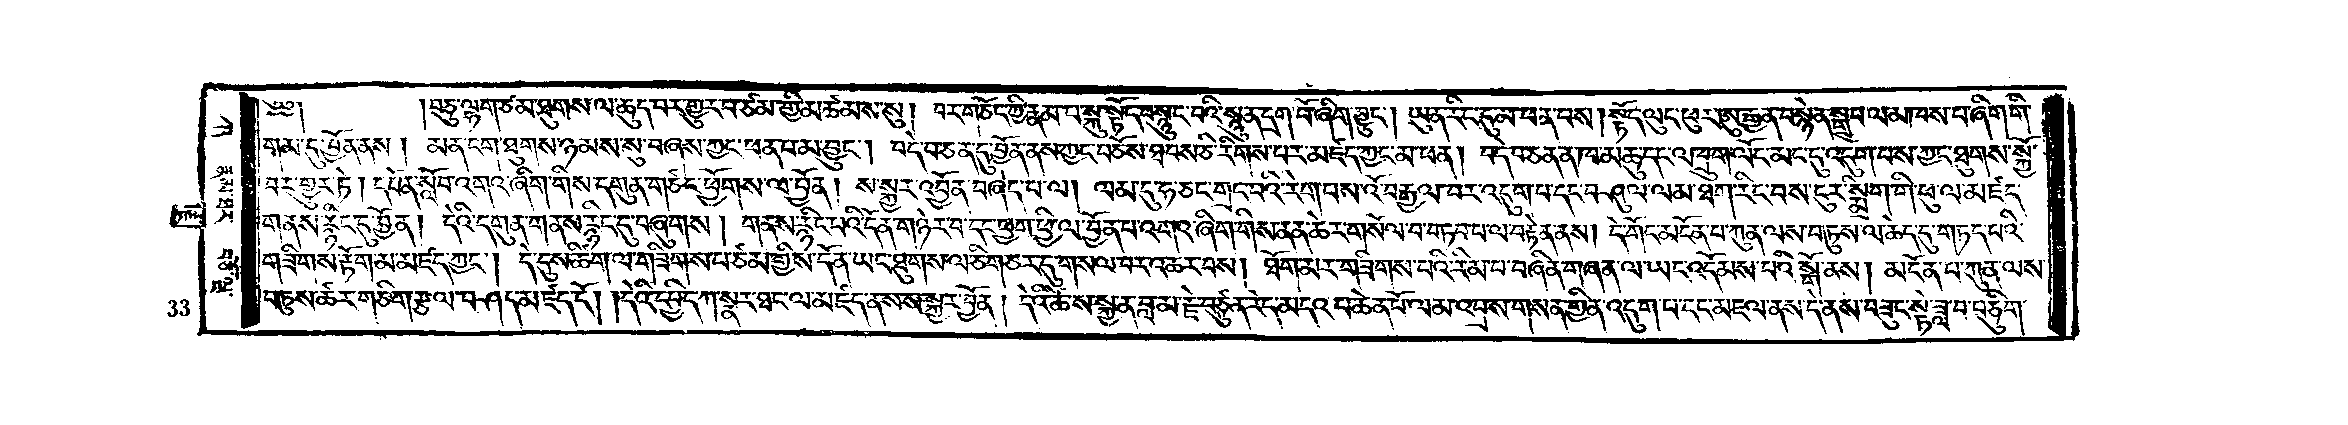༄༅། །བཅུ་ལྷག་ཙམ་ཐུགས་ལ་ཆུད་པར་གྱུར་པ་ཙམ་གྱི་མཚམས་སུ། བར་གཅོད་ཀྱི་རྣམ་པ་སྐུ་སྟོད་བསྙུང་བའི་སྙུང་དྲག་པོ་ཞིག་བྱུང་། ཡུན་རིང་དུ་མ་ཕན་པས། སྟོད་ལུང་ཕུར་ཨུ་རྒྱན་བསྙེན་སྒྲུབ་ལ་མཁས་པ་ཞིག་གི་
གམ་དུ་བྱོན་ནས། མན་ངག་ཐུགས་ཉམས་སུ་བཞས་ཀྱང་ཕན་པ་མ་བྱུང་། བདེ་བ་ཅན་དུ་བྱོན་ནས་ཀྱང་བཅོས་ཐབས་ཅི་རིགས་པར་མཛད་ཀྱང་མ་ཕན། བདེ་བ་ཅན་ན་ཁ་མཆུ་དང་འཁྲུག་ལོང་མང་དུ་འདུག་པས་ཀྱང་ཐུགས་སྐྱོ་
བར་གྱུར་ཏེ། དཔོན་སློབ་འགའ་ཞིག་གིས་དགུན་གཙང་ཕྱོགས་ལ་བྱོན། ས་སྐྱར་འབྱོན་བཞེད་པ་ལ། ལམ་དུ་ཧ་ཅང་གྲང་བའི་རེག་པས་འོ་བརྒྱལ་བར་འདུག་པ་དང་བཤུལ་ལམ་ཐག་རིང་བས་ངུར་སྨྲིག་གི་ཕུ་ལ་མཛད་
གནས་རྙིང་དུ་བྱོན། དེའི་དགུན་གནས་རྙིང་དུ་བཞུགས། གནས་རྙིང་པའི་དོན་གཉེར་བ་དང་ཕྱག་ཕྱི་ལ་བྱོན་པ་འགའ་ཞིག་གིས་ནན་ཆེར་གསོལ་བ་བཏབ་པ་ལ་བརྟེན་ནས། དེ་གོང་མངོན་པ་ཀུན་ལས་བཏུས་ལ་ཆེད་དུ་གཏད་པའི་
གཟིགས་རྟོག་མ་མཛད་ཀྱང་། དེ་དུས་ཚིག་ལ་གཟིགས་པ་ཙམ་གྱིས་དོན་ཡང་ཐུགས་ལ་ཅིག་ཅར་དུ་གསལ་བར་འཆར་བས། ཐོག་མར་གཟིགས་པའི་རིམ་པ་བཞིན་གཞན་ལ་ཡང་འདོམས་པའི་སྒོ་ནས། མངོན་པ་ཀུན་ལས་
བཏུས་ཚར་གཅིག་རྩལ་བཤད་མཛད་དོ། །དེའི་དཔྱིད་ཀ་སྣར་ཐང་ལ་མཛད་ནས་ས་སྐྱར་བྱོན། དེའི་ཚེ་ས་སྐྱ་ན་བླ་མ་རྗེ་བཙུན་རེད་མདའ་པ་ཆེན་པོ་ལམ་འབྲས་གསན་གྱིན་འདུག་པ་དང་མཇལ་ནས་དེ་ནས་བཟུང་སྟེ་ཟླ་བ་བཅུ་གཅིག་